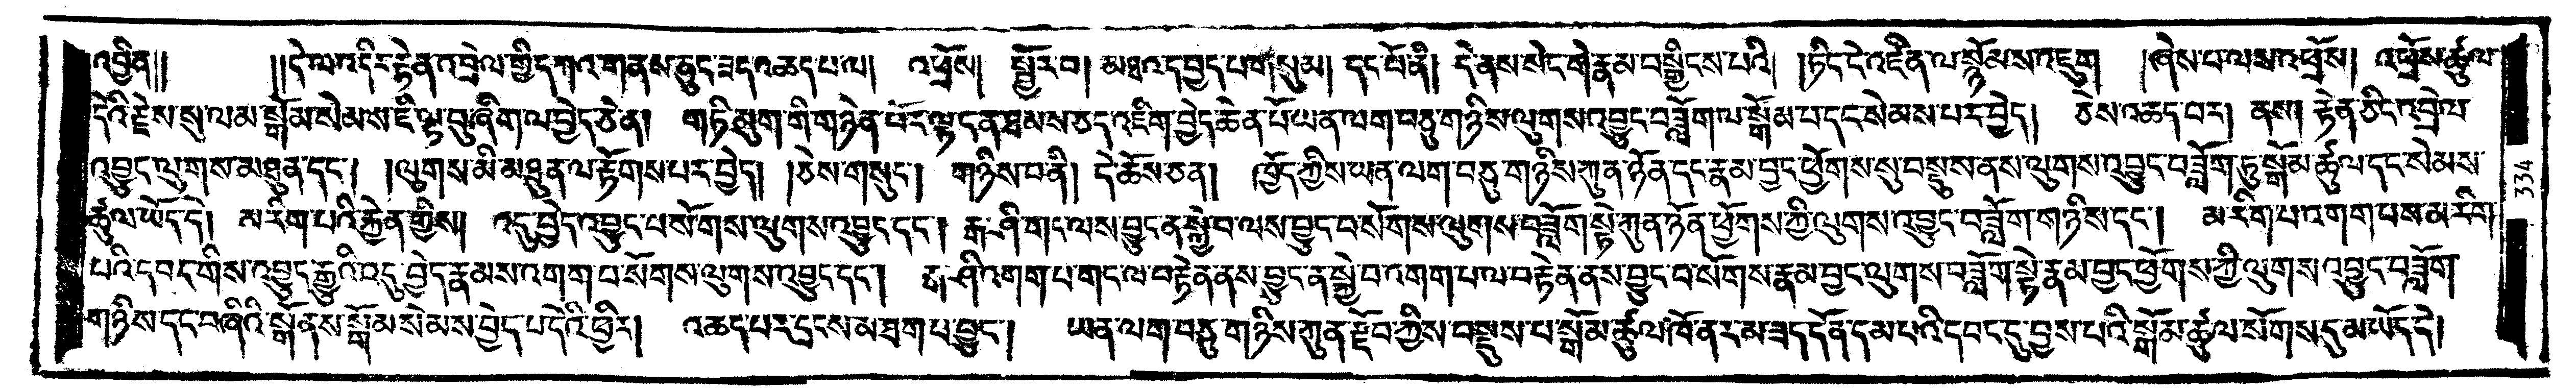འབྱིན།། །།དེ་ལ་འདིར་རྟེན་འབྲེལ་གྱི་དཀའ་གནས་ཅུང་ཟད་འཆད་པ་ལ། འཕྲོས། སྦྱོར་བ། མཐའ་དཔྱད་པ་གསུམ། དང་པོ་ནི། དེ་ནས་སེང་གེ་རྣམ་བསྒྱིངས་པའི། །ཏིང་ངེ་འཛིན་ལ་སྙོམས་འཇུག །ཞེས་པ་ལས་འཕྲོས། འཕྲོས་ཚུལ་
དེའི་རྗེས་སུ་ལམ་སྒོམ་སེམས་ཇི་ལྟ་བུ་ཞིག་ལ་བྱེད་ཅེ་ན། གཏི་མུག་གི་གཉེན་པོར་ལྟ་ངན་ཐམས་ཅད་འཇིག་བྱེད་ཆེན་པོ་ཡན་ལག་བཅུ་གཉིས་ལུགས་འབྱུང་བཟློག་ལ་སྒོམ་པ་དང་སེམས་པར་བྱེད། ཅེས་འཆད་པར། ནས། རྟེན་ཅིང་འབྲེལ་
འབྱུང་ལུགས་མཐུན་དང་། །ལུགས་མི་མཐུན་ལ་རྟོགས་པར་བྱེད། །ཅེས་གསུང་། གཉིས་པ་ནི། དེ་ཆོས་ཅན། ཁྱོད་ཀྱིས་ཡན་ལག་བཅུ་གཉིས་ཀུན་ཉོན་དང་རྣམ་བྱང་ཕྱོགས་སུ་བསྡུས་ནས་ལུགས་འབྱུང་བཟློག་ཏུ་སྒོམ་ཚུལ་དང་སེམས་
ཚུལ་ཡོད་དེ། མ་རིག་པའི་རྐྱེན་གྱིས། འདུ་བྱེད་འབྱུང་པ་སོགས་ལུགས་འབྱུང་དང་། རྒ་ཤི་གང་ལས་བྱུང་ན་སྐྱེ་བ་ལས་བྱུང་བ་སོགས་ལུགས་བཟློག་སྟེ་ཀུན་ཉོན་ཕྱོགས་ཀྱི་ལུགས་འབྱུང་བཟློག་གཉིས་དང་། མ་རིག་པ་འགག་པས་མ་རིག་
པའི་དབང་གིས་འབྱུང་རྒྱུའི་འདུ་བྱེད་རྣམས་འགག་པ་སོགས་ལུགས་འབྱུང་དང་། རྒ་ཤི་འགག་པ་གང་ལ་བརྟེན་ནས་བྱུང་ན་སྐྱེ་བ་འགག་པ་ལ་བརྟེན་ནས་བྱུང་བ་སོགས་རྣམ་བྱང་ལུགས་བཟློག་སྟེ་རྣམ་བྱང་ཕྱོགས་ཀྱི་ལུགས་འབྱུང་བཟློག་
གཉིས་དང་བཞིའི་སྒོ་ནས་སྒོམ་སེམས་བྱེད་པ་དེའི་ཕྱིར། འཆད་པར་དྲངས་མ་ཐག་པ་བྱུང་། ཡན་ལག་བཅུ་གཉིས་ཀུན་རྫོབ་ཀྱིས་བསྡུས་པ་སྒོམ་ཚུལ་ཁོ་ནར་མ་ཟད་དོན་དམ་པའི་དབང་དུ་བྱས་པའི་སྒོམ་ཚུལ་སོགས་དུ་མ་ཡོད་དེ།